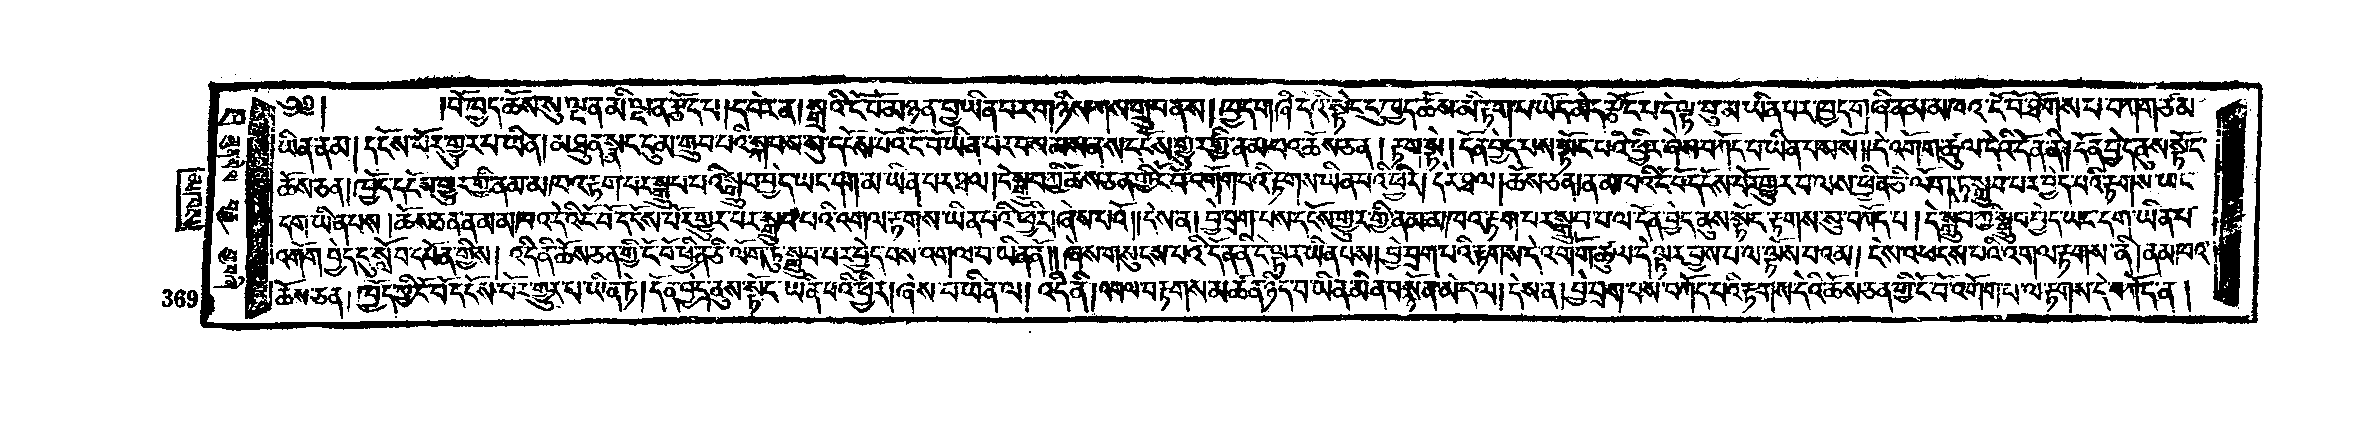༄༅། །པོ་ཁྱད་ཆོས་སུ་ལྡན་མི་ལྡན་རྩོད་པ། དཔེར་ན། སྒྲའི་ངོ་བོ་མཉན་བྱ་ཡིན་པར་གཉིས་ཀས་གྲུབ་ནས། ཁྱད་གཞི་དེའི་སྟེང་དུ་ཁྱད་ཆོས་མི་རྟག་པ་ཡོད་མེད་རྩོད་པ་དེ་ལྟ་བུ་མ་ཡིན་པར་ཁྱད་གཞི་ནམ་མཁའ་ངོ་བོ་ཐོགས་པ་བཀག་ཙམ་
ཡིན་ནམ། དངོས་པོར་གྱུར་པ་ཡིན། མཐུན་སྣང་དུ་མ་གྲུབ་པའི་སྐབས་སུ་དངོས་པོའི་ངོ་བོ་ཡིན་པར་བསམས་ནས་དངོས་གྱུར་གྱི་ནམ་མཁའ་ཆོས་ཅན། རྟག་སྟེ། དོན་བྱེད་པས་སྟོང་པའི་ཕྱིར་ཞེས་བཀོད་པ་ཡིན་པས་སོ། །དེ་འགོག་ཚུལ་དེའི་དོན་ནི། དོན་བྱེད་ནུས་སྟོང་
ཆོས་ཅན། ཁྱོད་དངོས་གྱུར་གྱི་ནམ་མཁའ་རྟག་པར་སྒྲུབ་པའི་སྒྲུབ་བྱེད་ཡང་དག་མ་ཡིན་པར་ཐལ། དེ་སྒྲུབ་ཀྱི་ཆོས་ཅན་གྱི་ངོ་བོ་འགོག་པའི་རྟགས་ཡིན་པའི་ཕྱིར། དེར་ཐལ། ཆོས་ཅན། ནམ་མཁའི་ངོ་བོ་དངོས་པོར་གྱུར་པ་ལས་ཕྱིན་ཅི་ལོག་ཏུ་སྒྲུབ་པར་བྱེད་པའི་རྟགས་ཡང་
དག་ཡིན་པས། ཆོས་ཅན་ནམ་མཁའ་དེའི་ངོ་བོ་དངོས་པོར་གྱུར་པར་སྒྲུབ་པའི་འགལ་རྟགས་ཡིན་པའི་ཕྱིར། ཞེས་པའོ། །དེས་ན། བྱེ་བྲག་པས་དངོས་གྱུར་གྱི་ནམ་མཁའ་རྟག་པར་སྒྲུབ་པ་ལ་དོན་བྱེད་ནུས་སྟོང་རྟགས་སུ་བཀོད་པ། དེ་སྒྲུབ་ཀྱི་སྒྲུབ་བྱེད་ཡང་དག་ཡིན་པ་
འགོག་བྱེད་དུ་སློབ་དཔོན་གྱིས། འདི་ནི་ཆོས་ཅན་གྱི་ངོ་བོ་ཕྱིན་ཅི་ལོག་ཏུ་སྒྲུབ་པར་བྱེད་པས་འགལ་བ་ཡིན་ནོ། །ཞེས་གསུངས་པའི་དོན་ནི་དེ་ལྟར་ཡིན་པས། བྱེ་བྲག་པའི་རྟགས་དེ་འགོག་ཚུལ་དེ་ལྟར་བྱས་པ་ལ་ལྟོས་པའམ། ངེས་འཕངས་པའི་འགལ་རྟགས་ནི། ནམ་མཁའ་
ཆོས་ཅན། ཁྱོད་ཀྱི་ངོ་བོ་དངོས་པོར་གྱུར་པ་ཡིན་ཏེ། དོན་བྱེད་ནུས་སྟོང་ཡིན་པའི་ཕྱིར། ཞེས་པ་ཡིན་ལ། འདི་ནི། འགལ་བརྟགས་མཚན་ཉིད་པ་ཡིན་མིན་བསྙོན་མེད་ལ། དེས་ན། བྱེ་བྲག་པས་བཀོད་པའི་རྟགས་དེའི་ཆོས་ཅན་གྱི་ངོ་བོ་འགོག་པ་ལ་རྟགས་དེ་བཀོད་ན།